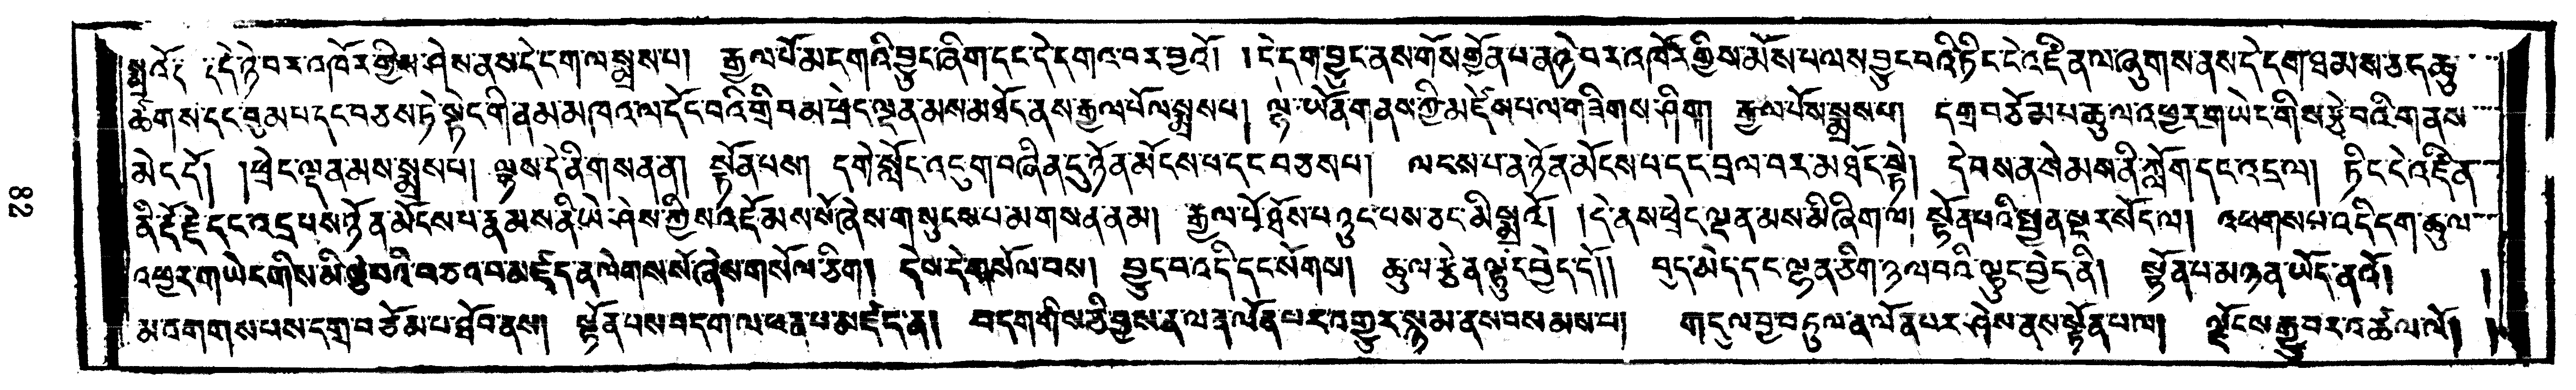སྨྲའོ༑ ༑དེ་ཉེ་བར་འཁོར་གྱིས་ཤེས་ནས་དེ་དག་ལ་སྨྲས་པ། རྒྱལ་པོ་མ་དགའི་བྱུང་ཞིག་དང་དེ་དགའ་བར་བྱའོ། །དེ་དག་བྱུང་ནས་གོས་གྱོན་པ་ན་ཉེ་བར་འཁོར་གྱིས་མོས་པ་ལས་བྱུང་བའི་ཏིང་ངེ་འཛིན་ལ་ཞུགས་ནས་དེ་དག་ཐམས་ཅད་ཆུ་
ཚགས་དང་བུམ་པ་དང་བཅས་ཏེ་སྟེང་གི་ནམ་མཁའ་ལ་དོང་བའི་གྲིབ་མ་ཕྲེང་ལྡན་མས་མཐོང་ནས་རྒྱལ་པོ་ལ་སྨྲས་པ། ལྷ་ཡོན་གནས་ཀྱི་མཛེས་པ་ལ་གཟིགས་ཤིག། རྒྱལ་པོས་སྨྲས་པ། དགྲ་བཅོམ་པ་ཆུ་ལ་འཕྱར་གཡེང་གིས་རྩེ་བའི་གནས་
མེད་དོ། །ཕྲེང་ལྡན་མས་སྨྲས་པ། ལྷས་དེ་ནི་གསན་ན། སྟོན་པས། དགེ་སློང་འདུག་བཞིན་དུ་ཉོན་མོངས་པ་དང་བཅས་པ། ལངས་པ་ན་ཉོན་མོངས་པ་དང་བྲལ་བར་མཐོང་སྟེ། དེ་བས་ན་སེམས་ནི་ཀློག་དང་འདྲ་ལ། ཏིང་ངེ་འཛིན་
ནི་རྡོ་རྗེ་དང་འདྲ་པས་ཉོན་མོངས་པ་རྣམས་ནི་ཡེ་ཤེས་ཀྱིས་འཇོམས་སོ་ཞེས་གསུངས་པ་མ་གསན་ནམ། རྒྱལ་པོ་ཐོས་པ་ཉུང་པས་ཅང་མི་སྨྲའོ། །དེ་ནས་ཕྲེང་ལྡན་མས་མི་ཞིག་ལ། སྟོན་པའི་སྤྱན་སྔར་སོང་ལ། འཕགས་པ་འདི་དག་ཆུ་ལ་
འཕྱར་གཡེང་གིས་མི་ལྕེ་བའི་བཅའ་བ་མཛད་ན་ལེགས་སོ་ཞེས་གསོལ་ཅིག། དེས་དེ་གསོལ་བས། བྱུང་བ་འདི་དང་སོགས། ཆུ་ལ་རྩེན་ལྟུང་བྱེད་དོ།། བུད་མེད་དང་ལྷན་ཅིག་ཉལ་བའི་ལྟུང་བྱེད་ནི། སྟོན་པ་མཉན་ཡོད་ནའོ། །
མ་འགགས་པས་དགྲ་བཅོམ་པ་ཐོབ་ནས། སྟོན་པས་བདག་ལ་ཕན་པ་མཛད་ན། བདག་གིས་ཅི་བྱས་ན་ལན་ལོན་པར་འགྱུར་སྙམ་ནས་བསམས་པ། གདུལ་བྱ་བཏུལ་ན་ལོན་པར་ཤེས་ནས་སྟོན་པ་ལ། ལྗོངས་རྒྱུ་བར་འཚལ་ལོ། །